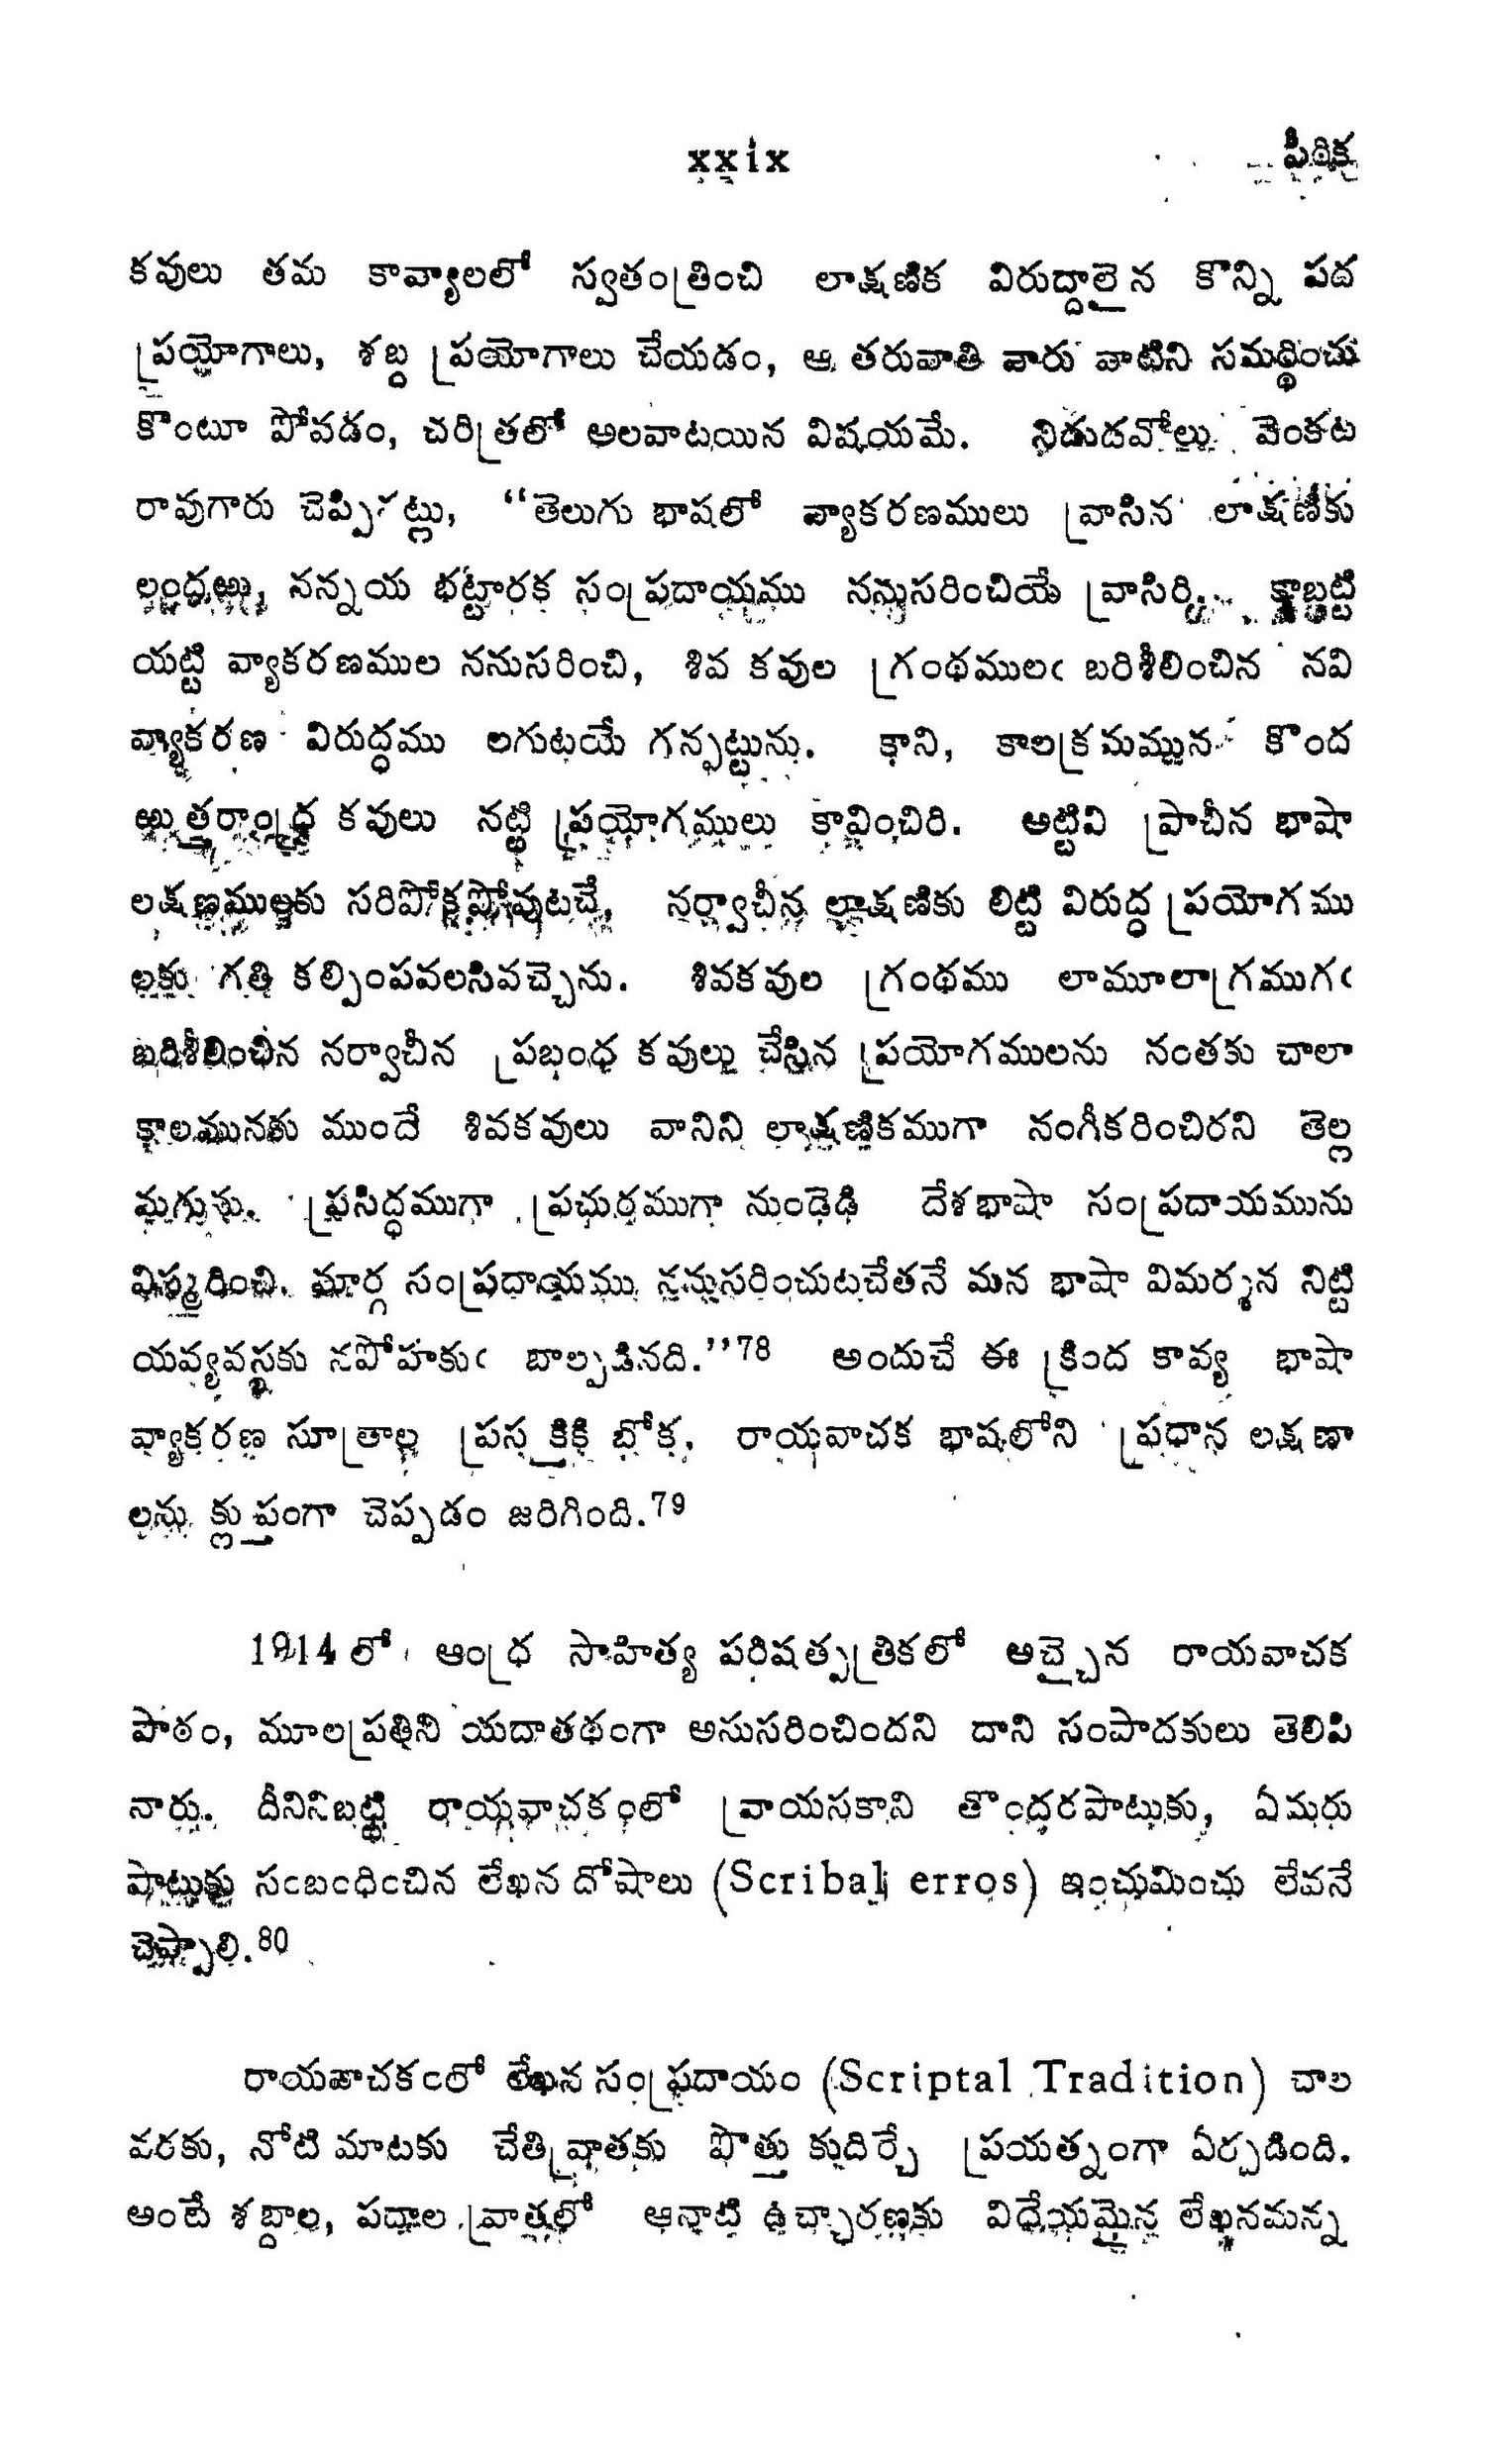కవులు తమ కావ్యాలలో స్వతంత్రించి లాక్షణిక విరుద్దాలైన కొన్ని పదప్రయోగాలు, శబ్దప్రయోగాలు చేయడం, ఆ తరువాతి వారు వాటిని సమర్థించు కొంటూ పోవడం, చరిత్రలో అలవాటయిన విషయమే. నిడుదవోలు వెంకటరావుగారు చెప్పినట్లు, “తెలుగు భాషలో వ్యాకరణములు వ్రాసిన లాక్షణికు లంధఱు, నన్నయ భట్టారక సంప్రదాయము ననుసరించియే వ్రాసిరి. కాబట్టి యట్టి వ్యాకరణముల ననుసరించి, శివకవుల గ్రంథములఁ బరిశీలించిన నవి వ్యాకరణవిరుద్ధము లగుటయే గన్పట్టును. కాని, కాలక్రమమున కొంద ఱుత్తరాంధ్రకవులు నట్టి ప్రయోగములు కావించిరి. అట్టివి ప్రాచీనభాషాలక్షణములకు సరిపోకపోవుటచే, నర్వాచీన, లాక్షణికు లిట్టి విరుద్ధప్రయోగములకు గతి కల్పింపవలసి వచ్చెను. శివకవుల గ్రంథము లామూలాగ్రముగఁ బరిశీలించిన నర్వాచీన ప్రబంధకవులు చేసిన ప్రయోగములను నంతకు చాలా కాలమునకు ముందే శివకవులు వానిని లాక్షణికముగా నంగీకరించిరని తెల్లమగును. ప్రసిద్ధముగా ప్రచురముగా నుండెడి దేశభాషాసంప్రదాయమును విస్మరించి, మార్గసంప్రదాయము ననుసరించుటచేతనే మన భాషావిమర్శన నిట్టియవ్యవస్థకు నపోహకుఁ బాల్పడినది.” అందుచే ఈ క్రింద కావ్యభాషావ్యాకరణసూత్రాల ప్రసక్తికి బోక, రాయవాచకభాషలోని ప్రధానలక్షణాలను క్లుప్తంగా చెప్పడం జరిగింది.

1914 లో ఆంధ్రసాహిత్యపరిషత్పత్రికలో అచ్చైన రాయవాచకపాఠం, మూలప్రతిని యథాతథంగా అనుసరించిందని దాని సంపాదకులు తెలిపినారు. దీనినిబట్టి రాయవాచకంలో వ్రాయసకాని తొందరపాటుకు, ఏమరుపాటుకు సంబంధించిన లేఖనదోషాలు (Scribal errors) ఇంచుమించు లేవనే చెప్పాలి.

రాయవాచకంలో లేఖనసంప్రదాయం (Scriptal Tradition) చాలవరకు, నోటిమాటకు చేతివ్రాతకు పొత్తు కుదిర్చే ప్రయత్నంగా ఏర్పడింది. అంటే శబ్దాల, పదాలవ్రాతలో ఆనాటి ఉచ్ఛారణకు విధేయమైన లేఖనమన్న